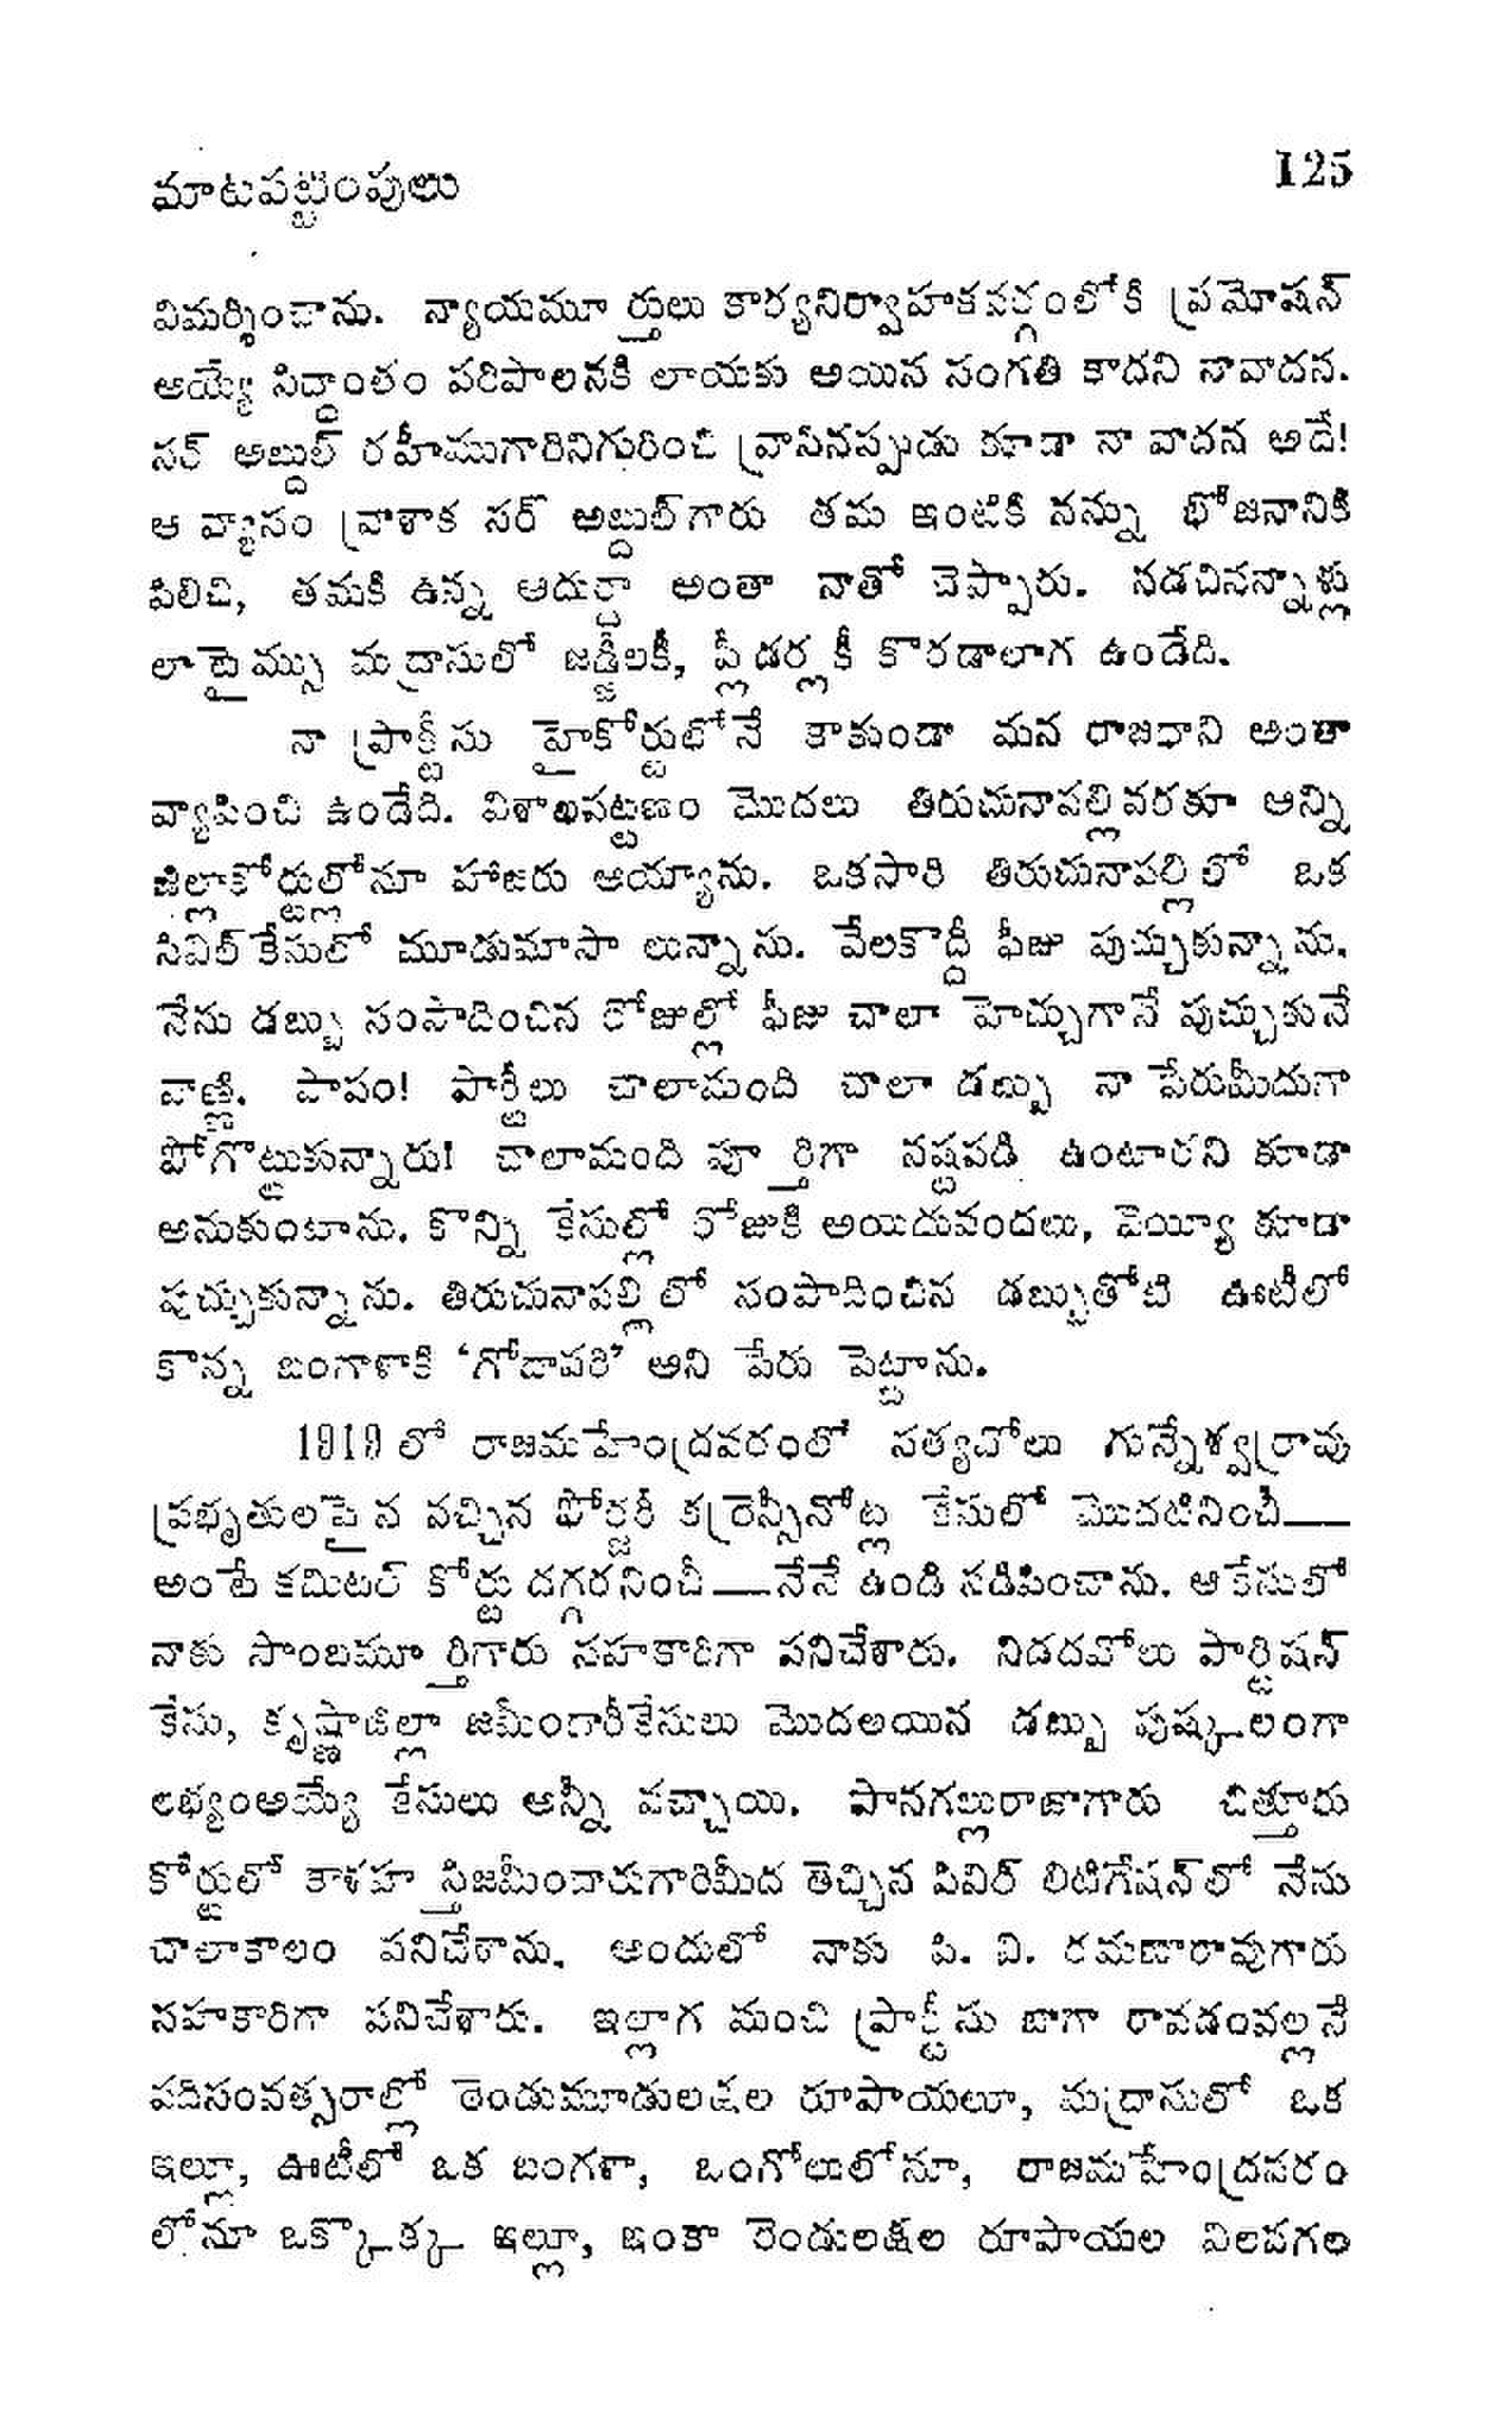విమర్శించాను. న్యాయమూర్తులు కార్యనిర్వాహకవర్గంలోకి ప్రమోషన్ అయ్యే సిద్ధాంతం పరిపాలనకి లాయకు అయిన సంగతి కాదని నావాదన. సర్ అబ్దుల్ రహీముగారినిగురించి వ్రాసినప్పుడు కూడా నా వాదన అదే! ఆ వ్యాసం వ్రాశాక సర్ అబ్దుల్‌గారు తమ ఇంటికి నన్ను భోజనానికి పిలిచి, తమకి ఉన్న ఆదుర్దా అంతా నాతో చెప్పారు. నడచినన్నాళ్లు లాటైమ్సు మద్రాసులో జడ్జీలకి, ప్లీడర్లకీ కొరడాలాగ ఉండేది.

నా ప్రాక్టీసు హైకోర్టులోనే కాకుండా మన రాజధాని అంతా వ్యాపించి ఉండేది. విశాఖపట్టణం మొదలు తిరుచునాపల్లివరకూ అన్ని జిల్లాకోర్టుల్లోనూ హాజరు అయ్యాను. ఒకసారి తిరుచునాపల్లిలో ఒక సివిల్‌కేసులో మూడుమాసా లున్నాను. వేలకొద్దీ ఫీజు పుచ్చుకున్నాను. నేను డబ్బు సంపాదించిన రోజుల్లో ఫీజు చాలా హెచ్చుగానే పుచ్చుకునే వాణ్ణి. పాపం! పార్టీలు చాలామంది చాలా డబ్బు నా పేరుమీదుగా పోగొట్టుకున్నారు! చాలామంది పూర్తిగా నష్టపడి ఉంటారని కూడా అనుకుంటాను. కొన్ని కేసుల్లో రోజుకి అయిదువందలు, వెయ్యీ కూడా పుచ్చుకున్నాను. తిరుచునాపల్లిలో సంపాదించిన డబ్బుతోటి ఊటీలో కొన్న బంగాళాకి 'గోదావరి' అని పేరు పెట్టాను.

1919 లో రాజమహేంద్రవరంలో సత్యవోలు గున్నేశ్వర్రావు ప్రభృతులపైన వచ్చిన ఫోర్జరీ కర్రెన్సీనోట్ల కేసులో మొదటినించీ - అంటే కమిటల్ కోర్టు దగ్గరనించీ - నేనే ఉండి నడిపించాను. ఆ కేసులో నాకు సాంబమూర్తిగారు సహకారిగా పనిచేశారు. నిడదవోలు పార్టిషన్ కేసు, కృష్ణాజిల్లా జమీందారీకేసులు మొదలయిన డబ్బు పుష్కలంగా లభ్యంఅయ్యే కేసులు అన్నీ వచ్చాయి. పానగల్లురాజాగారు చిత్తూరు కోర్టులో కాళహస్తి జమీందారుగారిమీద తెచ్చిన సివిల్ లిటిగేషన్‌లో నేను చాలాకాలం పనిచేశాను. అందులో నాకు పి. వి. రమణారావుగారు సహకారిగా పనిచేశారు. ఇల్లాగ మంచి ప్రాక్టీసు బాగా రావడంవల్లనే పదిసంవత్సరాల్లో రెండుమూడులక్షల రూపాయలూ, మద్రాసులో ఒక ఇల్లూ, ఊటీలో ఒక బంగళా, ఒంగోలులోనూ, రాజమహేంద్రవరంలోనూ ఒక్కొక్క ఇల్లూ, ఇంకా రెండులక్షల రూపాయల విలవగల